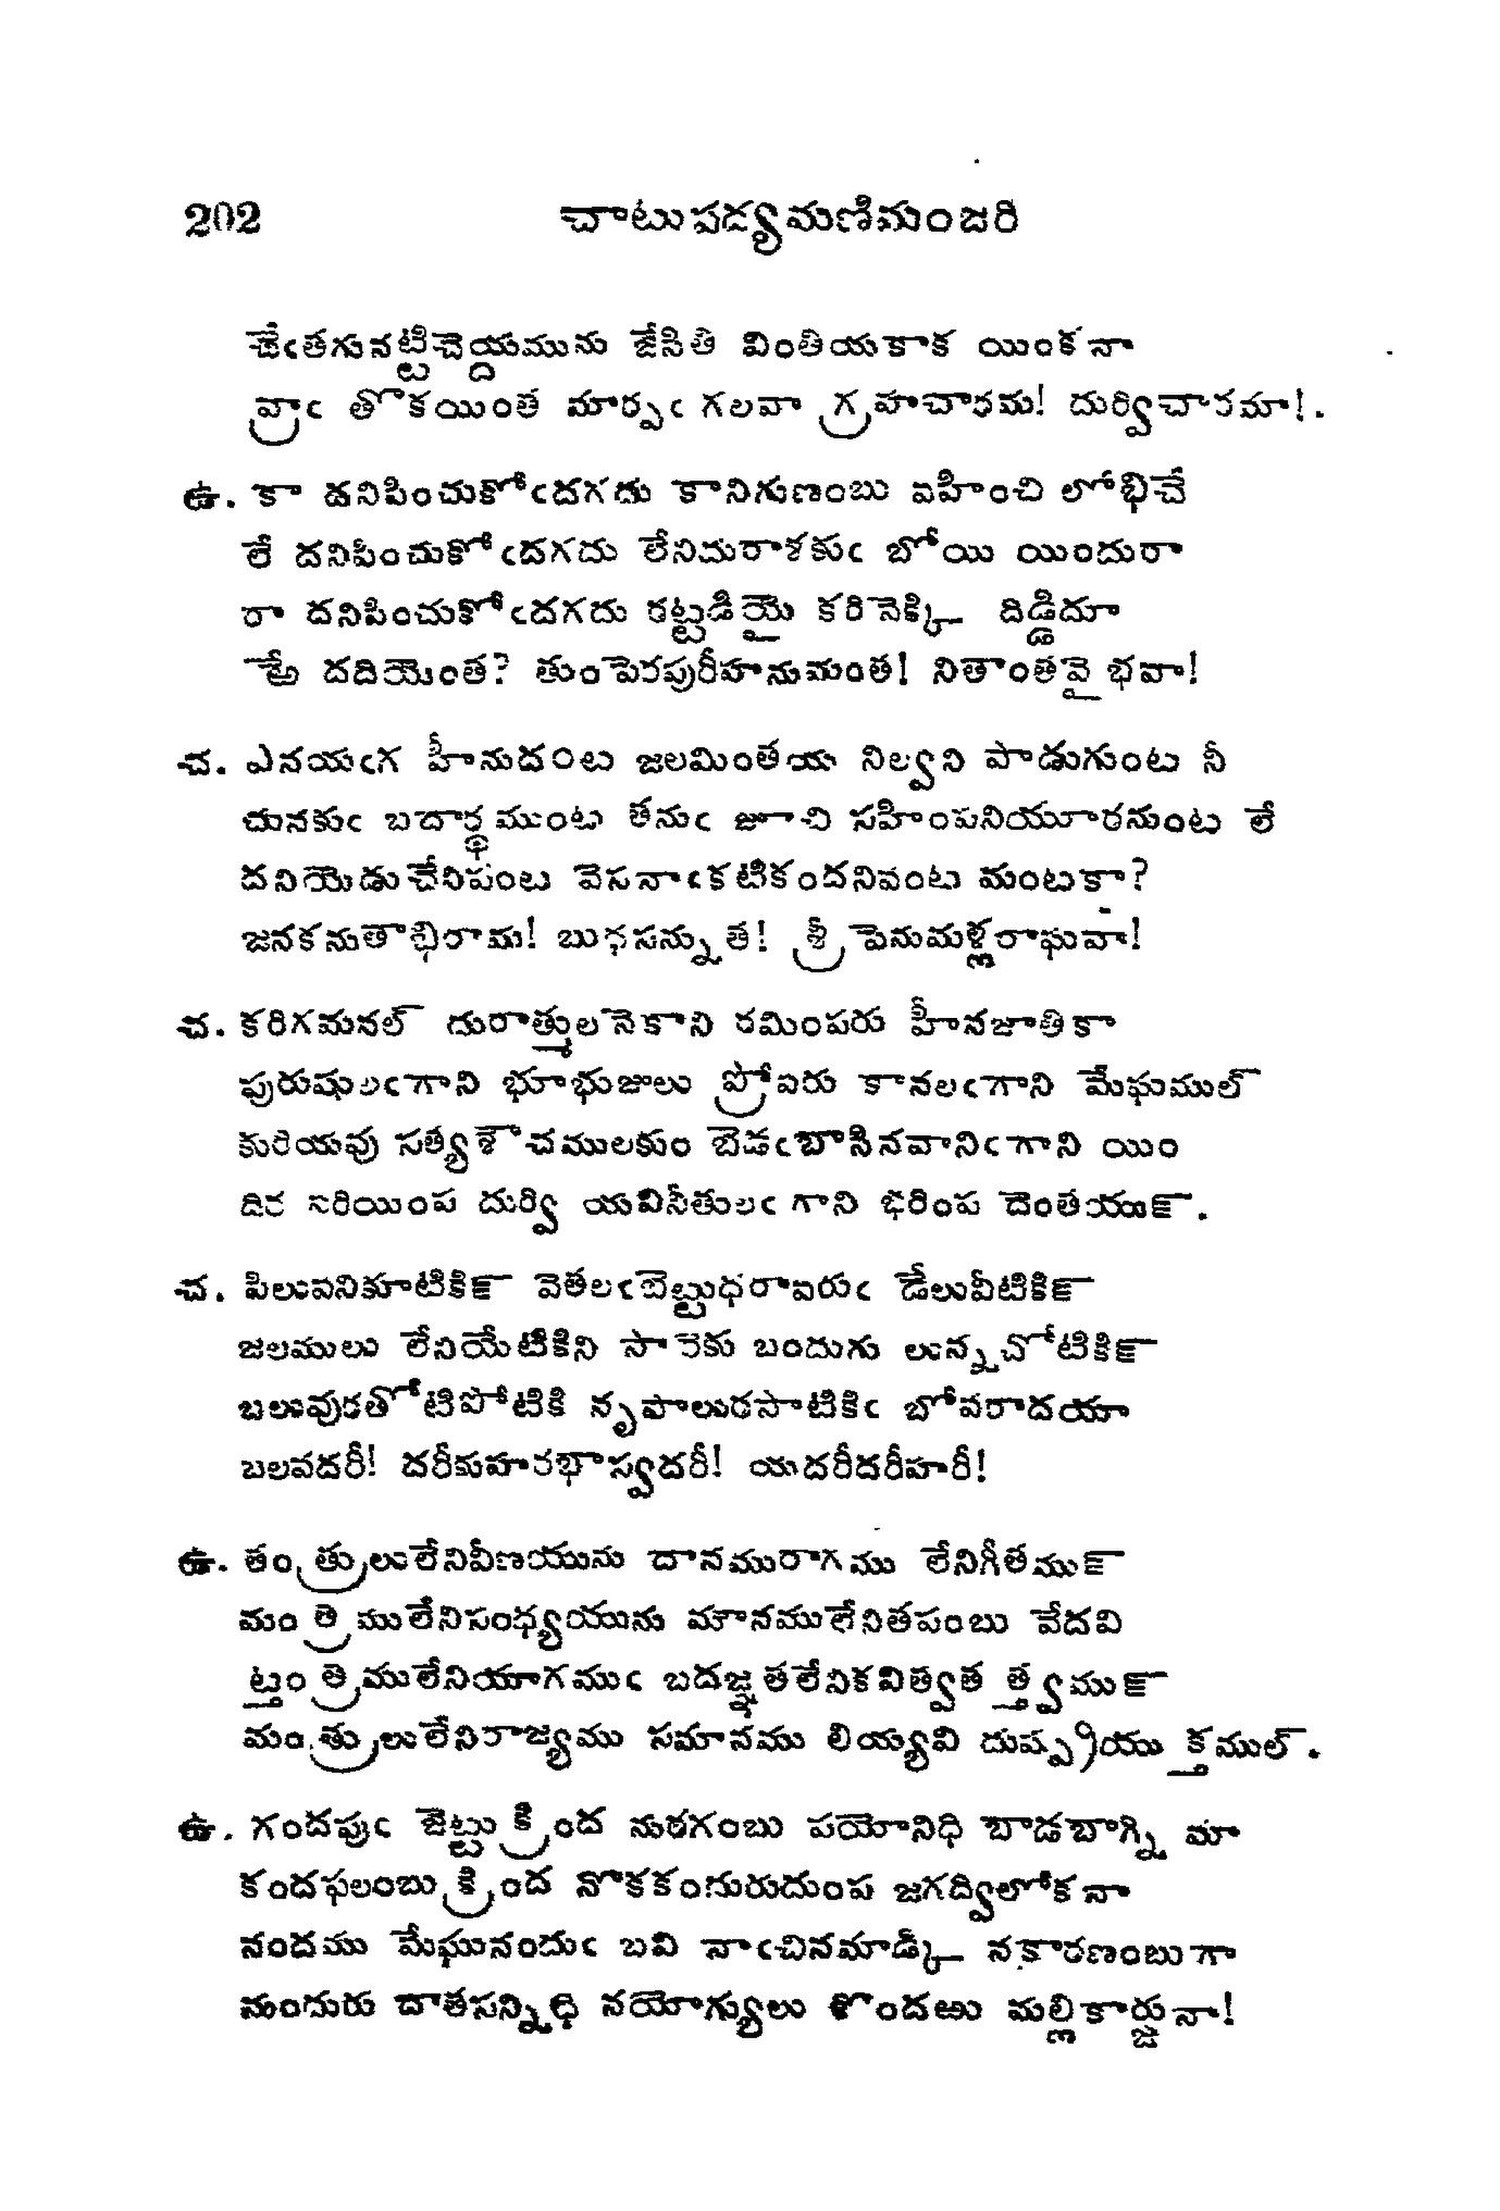చేఁతగునట్టిచెయ్దమును జేసితి వింతియకాక యింకనా
 వ్రాఁ తొకయింత మార్పఁ గలవా గ్రహచారమ! దుర్విచారమా!
ఉ. కా దనిపించుకోఁదగదు కానిగుణంబు వహించి లోభిచే
 లే దనిపించుకోఁదగదు లేనిదురాశకుఁ బోయి యిందురా
 రా దనిపించుకోఁదగదు రట్టడియై కరినెక్కిదిడ్డిదూ
 ఱే దదియెంత? తుంపెరపురీహనుమంత! నితాంతవైభవా!
చ. ఎనయఁగ హీనుదంట జలమింతయ నిల్వని పాడుగుంట నీ
 చునకుఁ బదార్థముంట తనుఁ జూచి సహింపనియూర నుంట లే
 దనియెడు చేనిపంట వెసనాఁకటికందనివంట మంటకా?
 జనకసుతాభిరామ! బుధసన్నుత! శ్రీపెనుమళ్ళరాఘవా!
చ. కరిగమనల్ దురాత్ములనెకాని రమింపరు హీనజాతికా
 పురుషులఁగీని భూభుజులు ప్రోవరు కానలఁగాని మేఘముల్
 కురియవు సత్యశౌతములకుం బెడఁబాసినవానిఁగాని యిం
 దిర వరియింప దుర్వి యవినీతులఁగాని భరింప దెంతయున్.
చ. పిలువనికూటికిన్ వెతలఁ బెట్టుధారవరుఁ డేలువీటికిన్
 జలములు లేనియేటికిని సారెకు బందుగు లున్నచోటికిన్
 బలువురతోటిపోటికి నృపాలురసాటికిఁ బోవరాదయా
 బలవదరీ! దరీకుహరభాస్వదరీ! యదరీదరీహరీ!
ఉ. తంత్రులులేనివీణయును దానము రాగము లేనిగీతమున్
 మంత్రము లేనిసంధ్యయును మౌనములేనితపంబు వేదవి
 ట్తంత్రములేనియాగముఁ బదజ్ఞతలేనికవిత్వతత్త్వమున్
 మంత్రులులేనిరాజ్యము సమానము లియ్యవి దుష్ప్రయుక్తముల్
ఉ. గందపుఁజెట్టుక్రింద నురగంబు పయోనిధి బాడబాగ్ని మా
 కందఫలంబుక్రింద నోకకందురుదుంప జగద్విలోకనా
 నందము మేఘునందుఁ బవి నాఁచినమాడ్కి నకారణంబుగా
 నుందురు దాతసన్నిధి నయోగ్యులు కొందఱు మల్లికార్జునా!